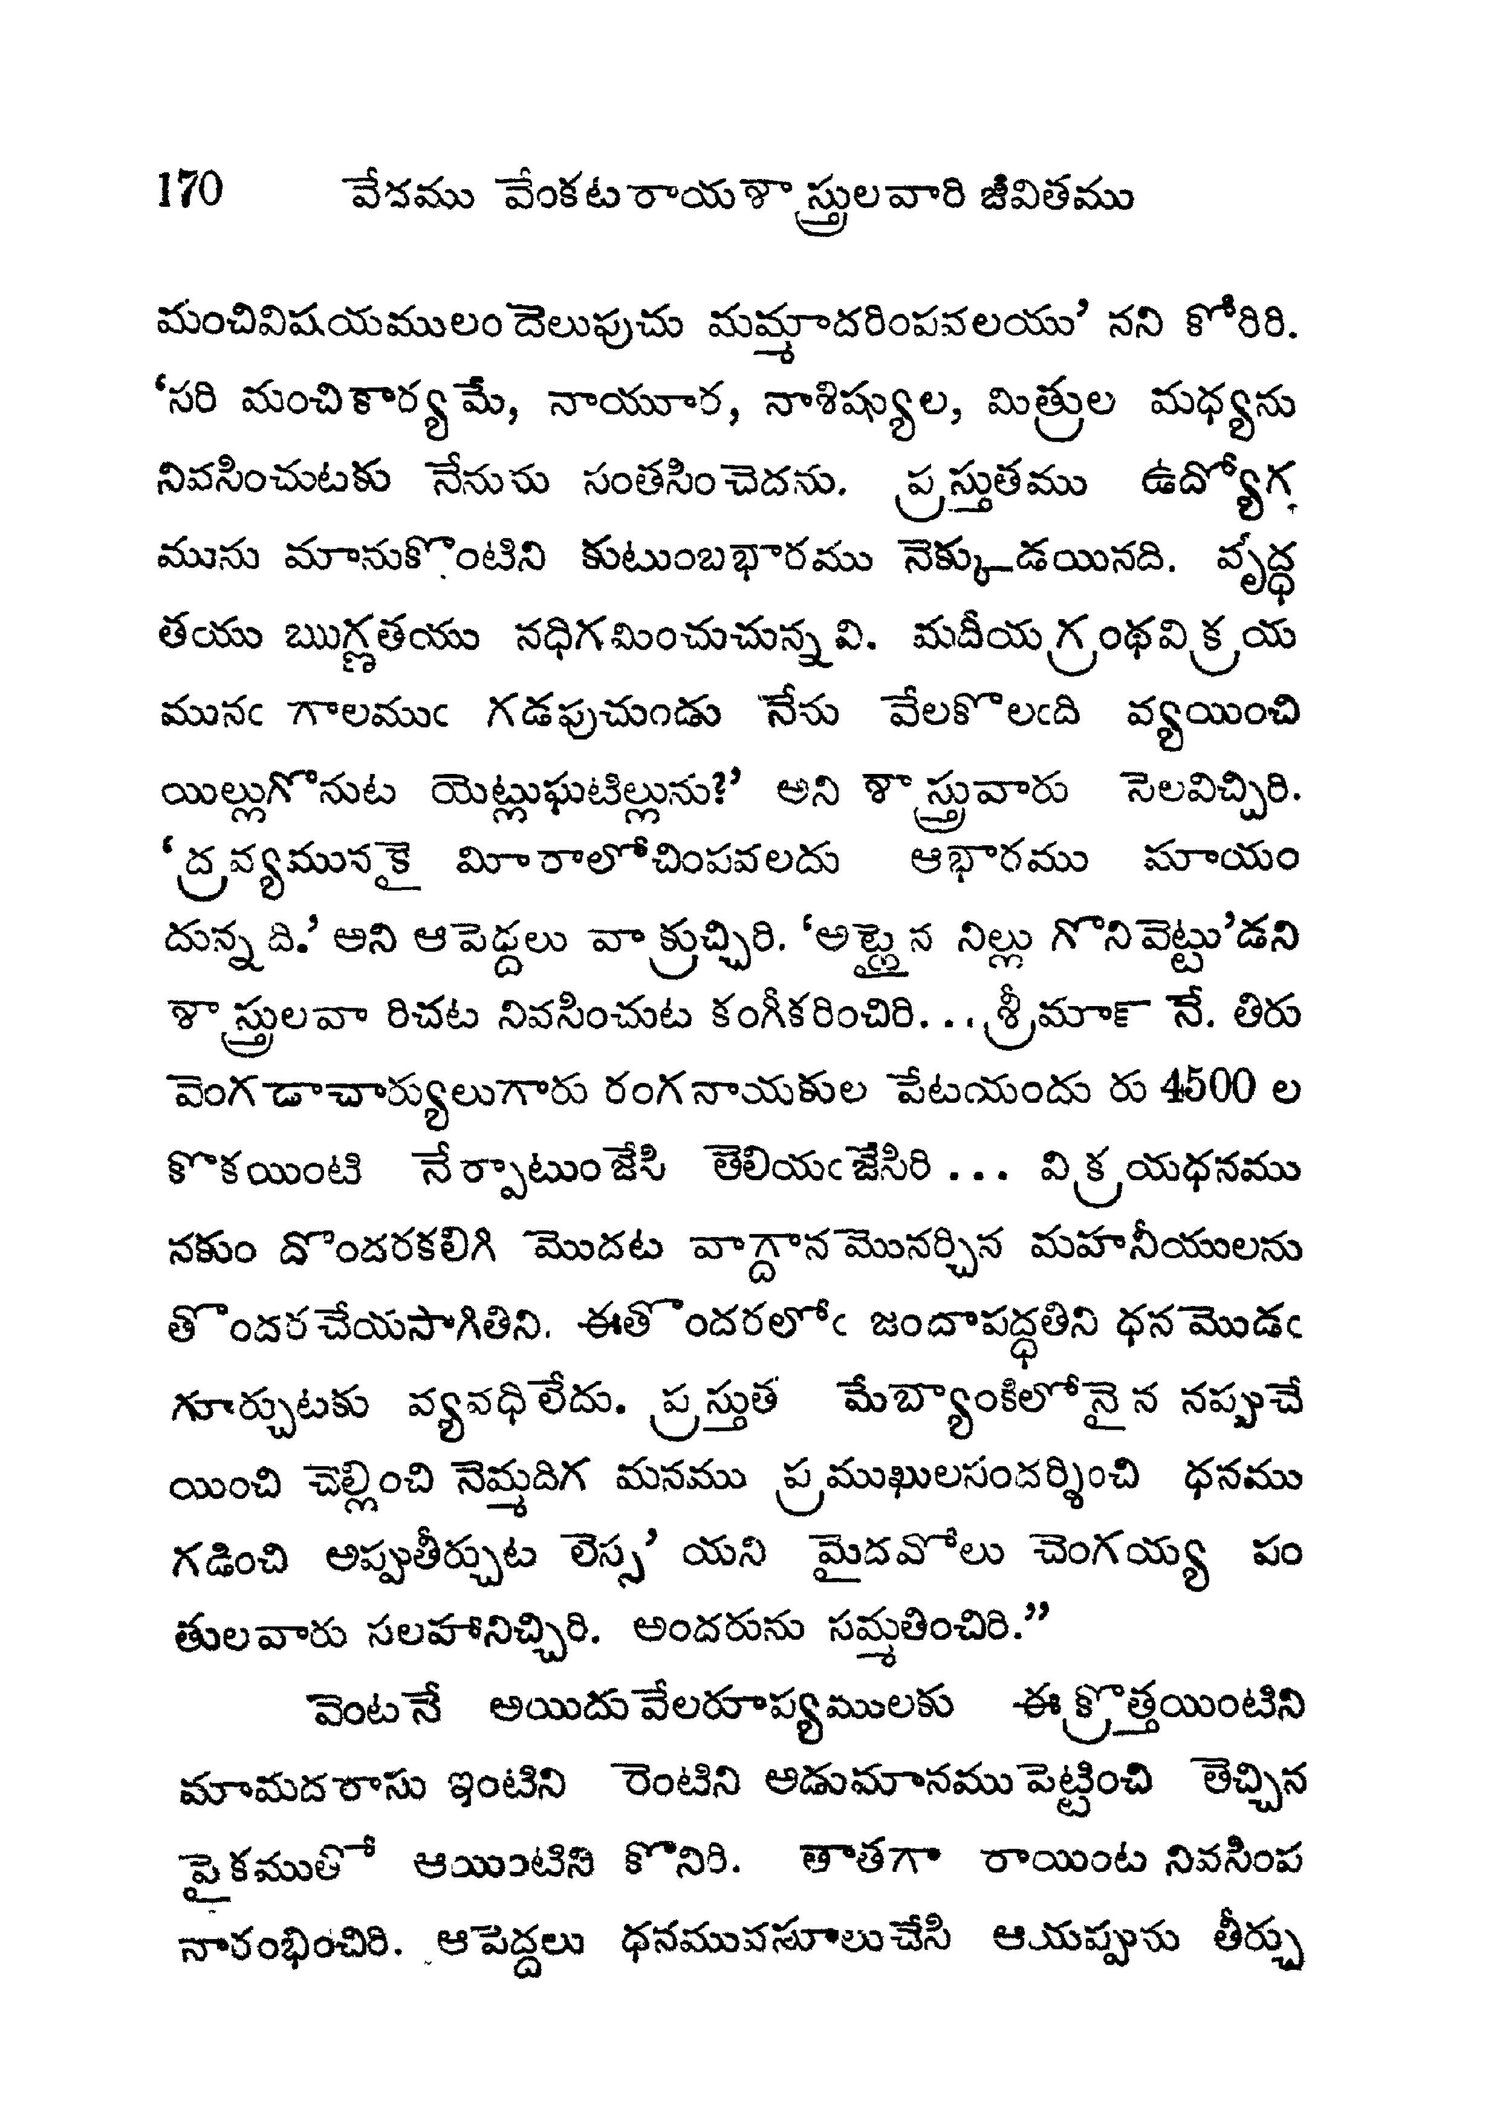మంచి విషయములందెలుపుచు మమ్మాదరింపవలయు^' నని కోరిరి. 'సరి మంచికార్యమే, నాయూర, నాశిష్యుల, మిత్రుల మధ్యను నివసించుటకు నేనును సంతసించెదను. ప్రస్తుతము ఉద్యోగమును మానుకొంటిని కుటుంబభారము నెక్కుడయినది. వృద్ధతయు ఋగ్ణతయు నధిగమించుచున్నవి. మదీయ గ్రంథ విక్రయమున గాలము గడపుచుండు నేను వేలకొలది వ్యయించి యిల్లుగొనుట యెట్లు ఘటిల్లును?' అని శాస్త్రువారు సెలవిచ్చిరి. 'ద్రవ్యమునకై మీరాలోచింపవలదు ఆభారము మాయందున్నది.' అని పెద్దలు వాక్రుచ్చిరి. 'అట్లైన నిల్లు గొనివెట్టు'డని శాస్త్రులవా రిచట నివసించుట కంగీకరించిరి...శ్రీమాన్ నే. తిరువెంగడాచార్యులు గారు రంగనాయకుల పేటయందు రు 4500 ల కొకయింటి నేర్పాటుంజేసి తెలియజేసిరి... విక్రయ ధనమునకుం దొందరకలిగి మొదట వాగ్దానమొనర్చిన మహనీయులను తొందరచేయ సాగితిని. ఈతొందరలో జందాపద్ధతిని ధనమొడ గూర్చుటకు వ్యవధిలేదు. ప్రస్తుత మేబ్యాంకిలోనైన నప్పుచేయించి చెల్లించి నెమ్మదిగ మనము ప్రముఖుల సందర్శించి ధనము గడించి అప్పుతీర్చుట లెస్స' యని మైదవోలు చెంగయ్య పంతులవారు సలహానిచ్చిరి. అందరును సమ్మతించిరి."

వెంటనే అయిదువేలరూప్యములకు ఈక్రొత్తయింటిని మామదరాసు ఇంటిని రెంటిని అడుమానము పెట్టించి తెచ్చిన పైకముతో ఆయింటిని కొనిరి. తాతగా రాయింట నివసింప నారంభించిరి. ఆపెద్దలు ధనము వసూలుచేసి ఆయప్పును తీర్చు